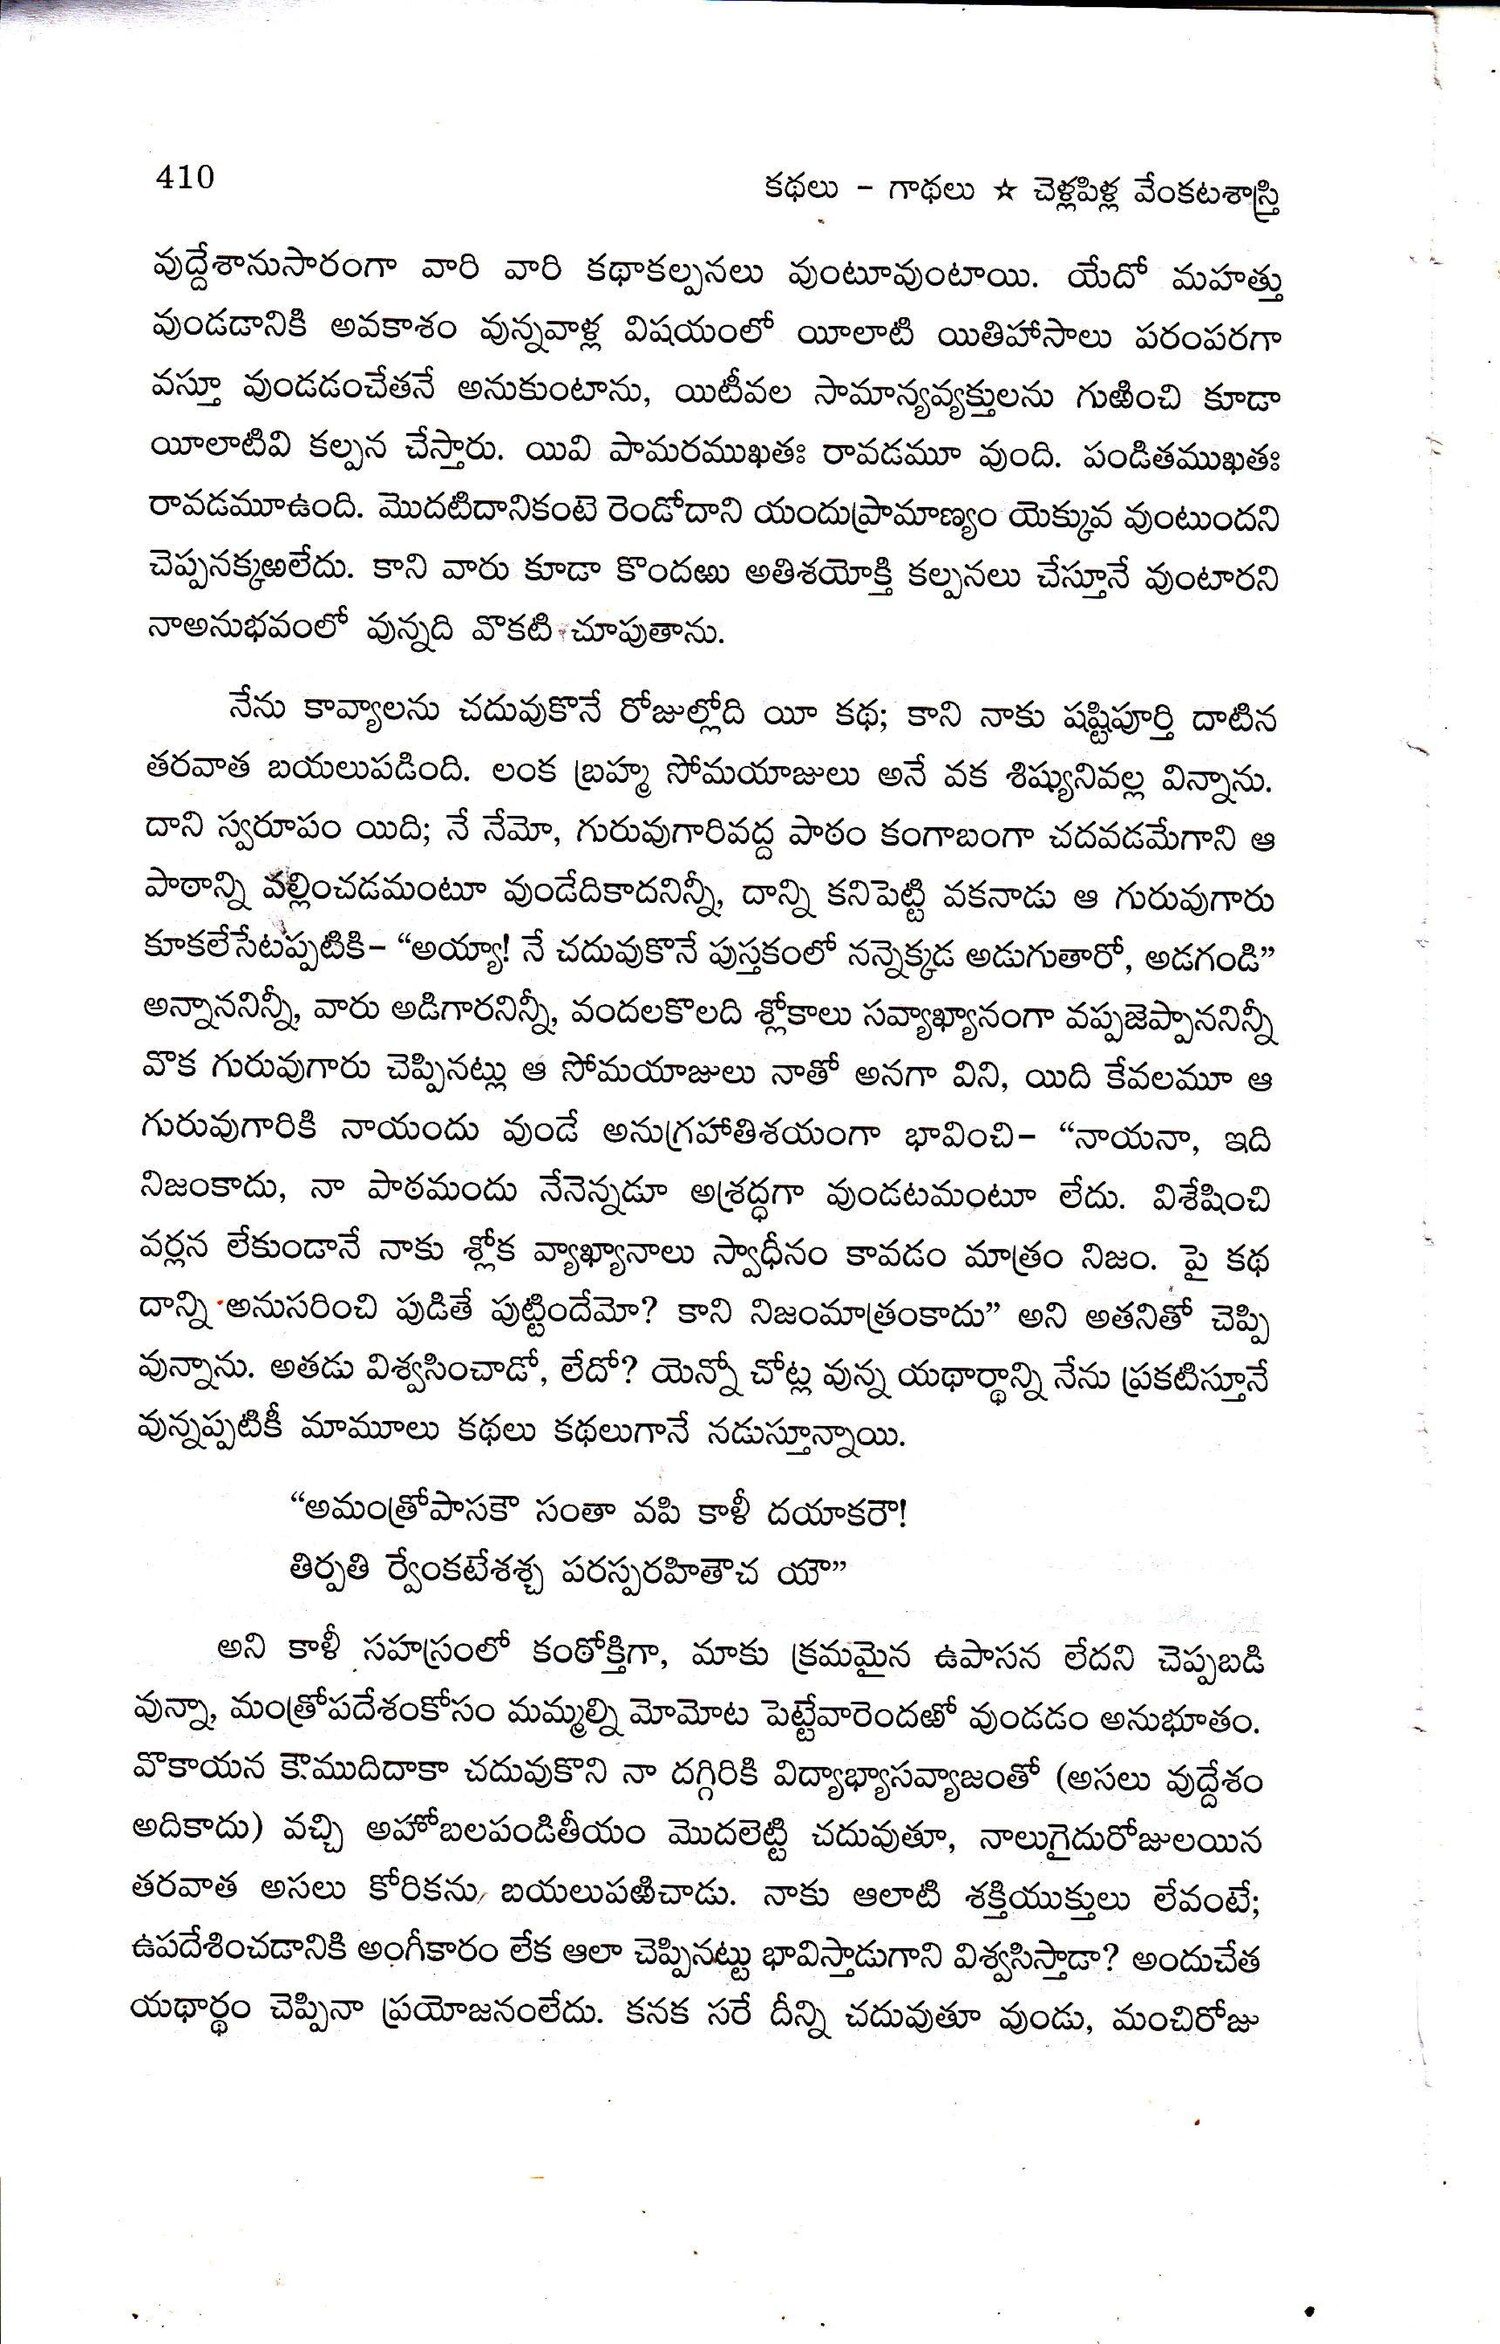వుద్దేశానుసారంగా వారి వారి కథాకల్పనలు వుంటూవుంటాయి. యేదో మహత్తు వుండడానికి అవకాశం వున్నవాళ్ల విషయంలో యీలాటి యితిహాసాలు పరంపరగా వస్తూ వుండడంచేతనే అనుకుంటాను, యిటీవల సామాన్యవ్యక్తులను గుఱించి కూడా యీలాటివి కల్పన చేస్తారు. యివి పామరముఖతః రావడమూ వుంది. పండితముఖతః రావడమూఉంది. మొదటిదానికంటె రెండోదాని యందు ప్రామాణ్యం యెక్కువ వుంటుందని చెప్పనక్కఱలేదు. కాని వారు కూడా కొందఱు అతిశయోక్తి కల్పనలు చేస్తూనే వుంటారని నాఅనుభవంలో వున్నది వొకటి చూపుతాను.

నేను కావ్యాలను చదువుకొనే రోజుల్లోది యీ కథ; కాని నాకు షష్టిపూర్తి దాటిన తరవాత బయలుపడింది. లంక బ్రహ్మ సోమయాజులు అనే వక శిష్యునివల్ల విన్నాను. దాని స్వరూపం యిది; నే నేమో, గురువుగారివద్ద పాఠం కంగాబంగా చదవడమేగాని ఆ పాఠాన్ని వల్లించడమంటూ వుండేదికాదనిన్నీ దాన్ని కనిపెట్టి వకనాడు ఆ గురువుగారు కూకలేసేటప్పటికి- "అయ్యా! నే చదువుకొనే పుస్తకంలో నన్నెక్కడ అడుగుతారో, అడగండి" అన్నాననిన్నీ వారు అడిగారనిన్నీ వందలకొలది శ్లోకాలు సవ్యాఖ్యానంగా వప్పజెప్పాననిన్నీ వొక గురువుగారు చెప్పినట్లు ఆ సోమయాజులు నాతో అనగా విని, యిది కేవలమూ ఆ గురువుగారికి నాయందు వుండే అనుగ్రహాతిశయంగా భావించి- "నాయనా, ఇది నిజంకాదు, నా పాఠమందు నేనెన్నడూ అశ్రద్ధగా వుండటమంటూ లేదు. విశేషించి వర్లన లేకుండానే నాకు శ్లోక వ్యాఖ్యానాలు స్వాధీనం కావడం మాత్రం నిజం. పై కథ దాన్ని అనుసరించి పుడితే పుట్టిందేమో? కాని నిజంమాత్రంకాదు” అని అతనితో చెప్పి వున్నాను. అతడు విశ్వసించాడో, లేదో? యెన్నో చోట్ల వున్న యథార్థాన్ని నేను ప్రకటిస్తూనే వున్నప్పటికీ మామూలు కథలు కథలుగానే నడుస్తూన్నాయి.

“అమంత్రోపాసకౌ సంతా వపి కాళీ దయాకరౌ! 
 తిర్పతి ర్వేంకటేశశ్చ పరస్పరహితౌచ యా"
అని కాళీ సహస్రంలో కంఠోక్తిగా, మాకు క్రమమైన ఉపాసన లేదని చెప్పబడి వున్నా మంత్రోపదేశంకోసం మమ్మల్ని వెూవెూట పెట్టేవారెందఱో వుండడం అనుభూతం. వొకాయన కౌముదిదాకా చదువుకొని నా దగ్గిరికి విద్యాభ్యాసవ్యాజంతో (అసలు వుద్దేశం అదికాదు) వచ్చి అహోబలపండితీయం మొదలెట్టి చదువుతూ, నాలుగైదురోజులయిన తరవాత అసలు కోరికను, బయలుపఱిచాడు. నాకు ఆలాటి శక్తియుక్తులు లేవంటే; ఉపదేశించడానికి అంగీకారం లేక ఆలా చెప్పినట్టు భావిస్తాడుగాని విశ్వసిస్తాడా? అందుచేత యథార్థం చెప్పినా ప్రయోజనంలేదు. కనక సరే దీన్ని చదువుతూ వుండు, మంచిరోజు